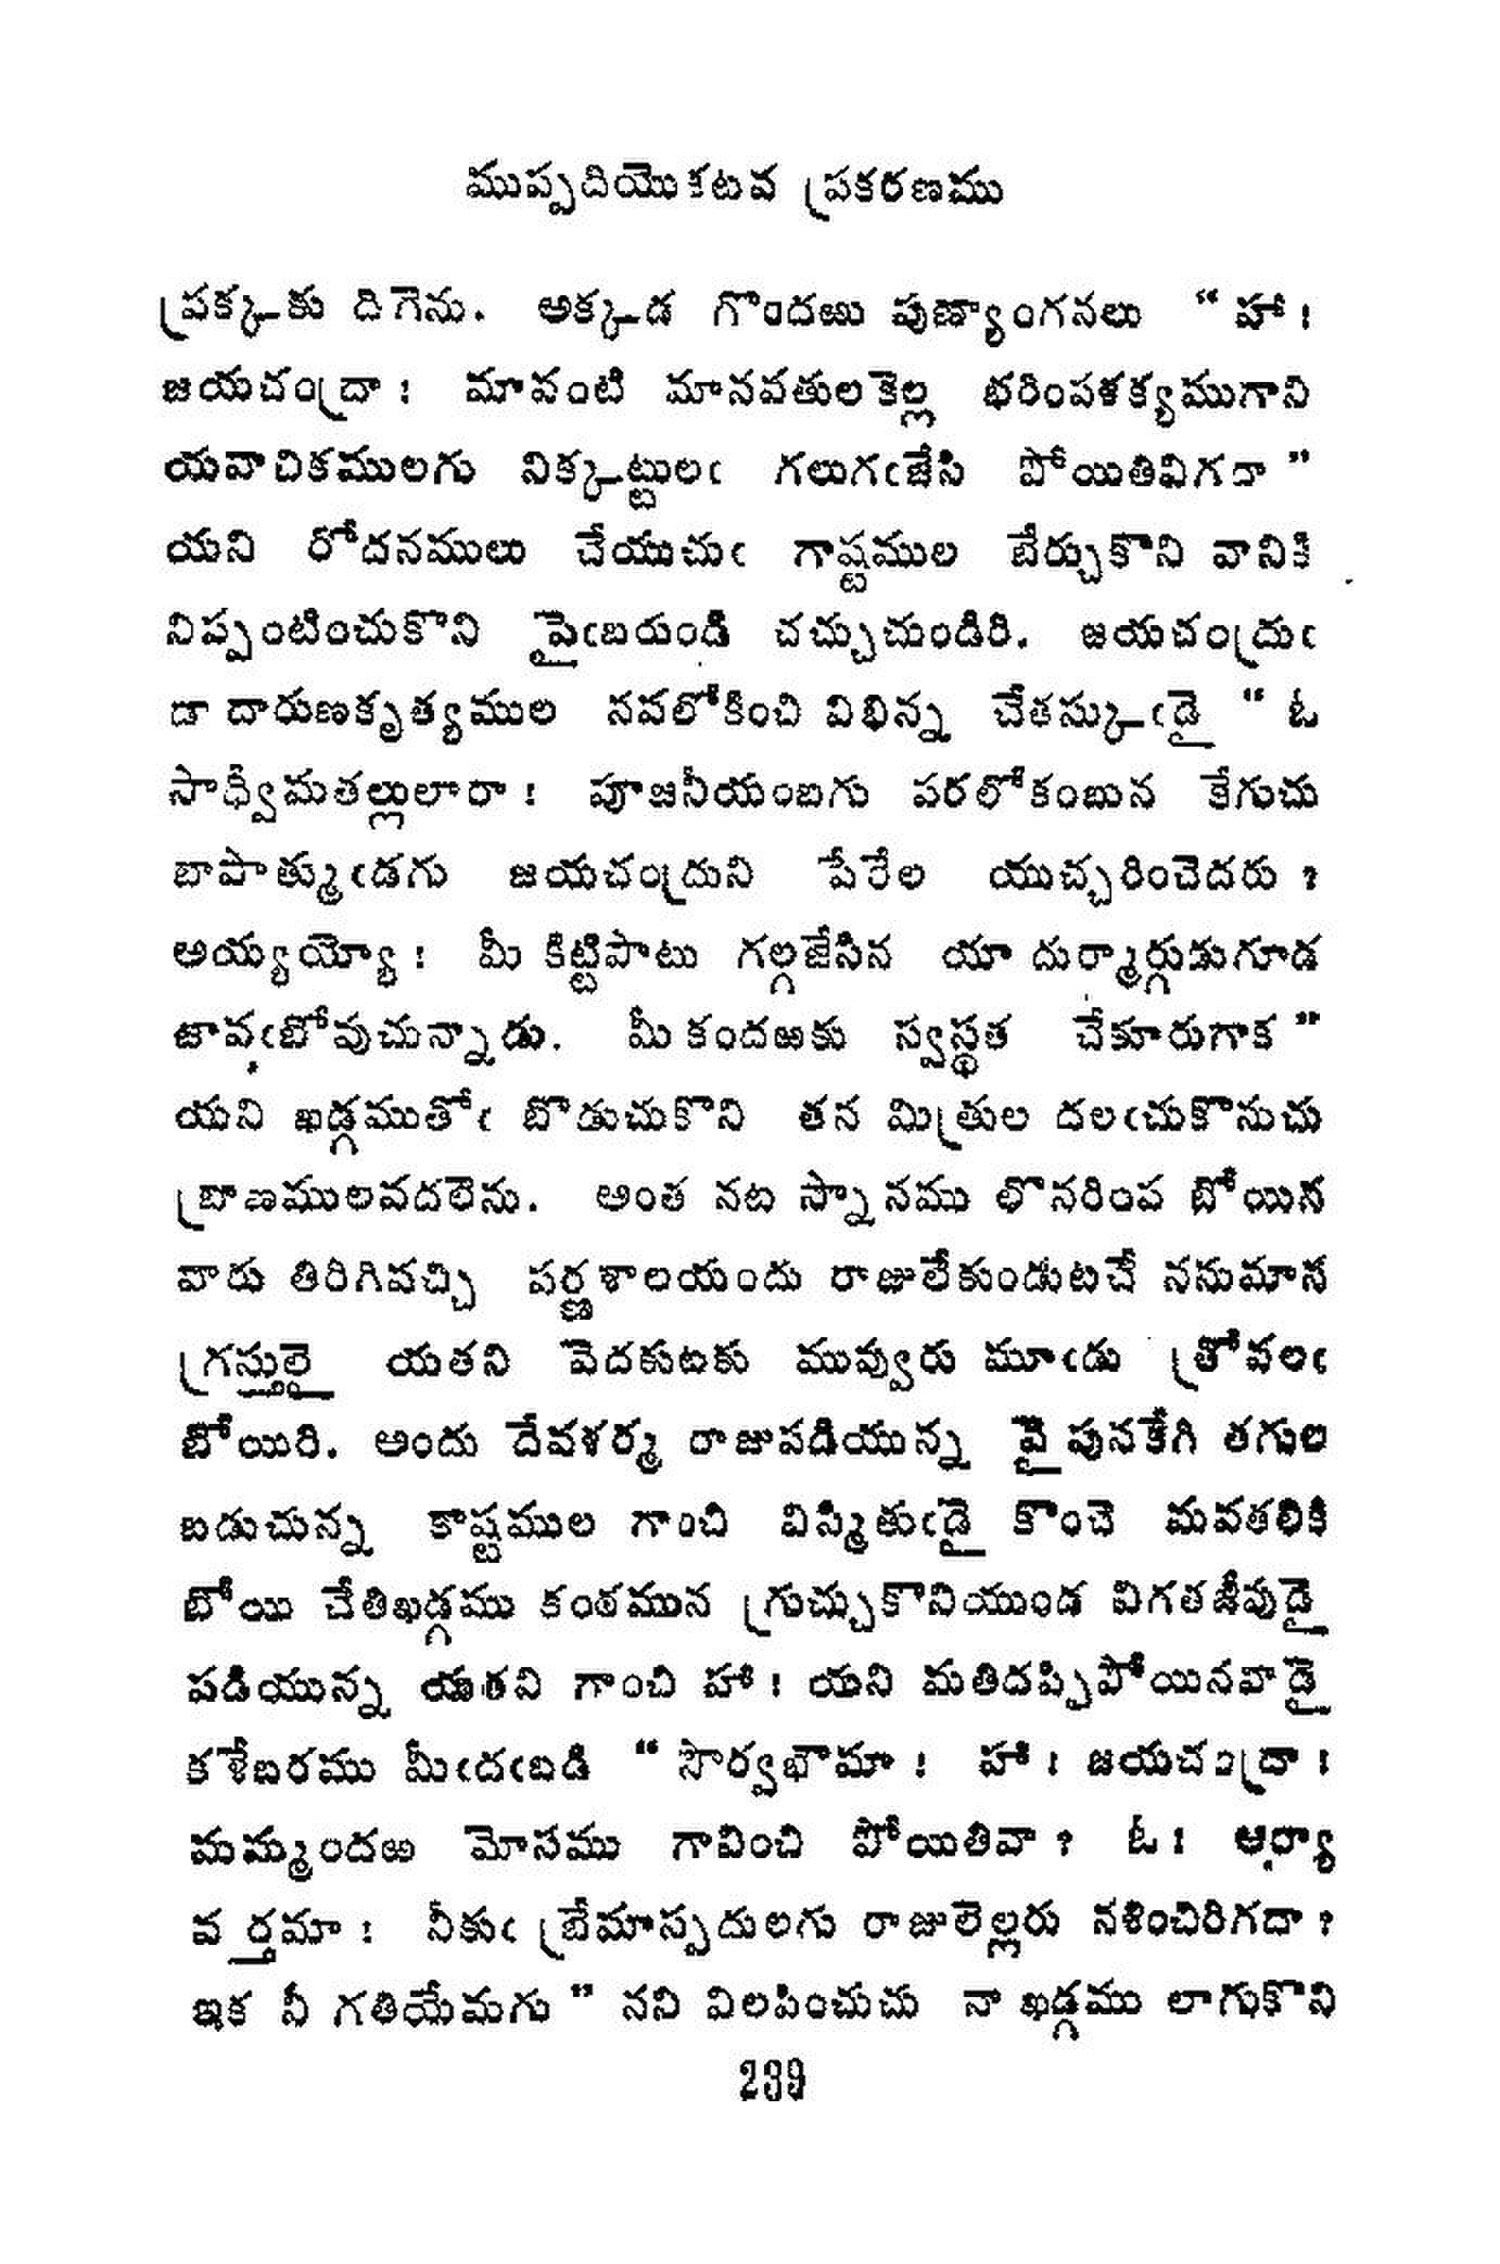ప్రక్కకు దిగెను. అక్కడ గొందఱు పుణ్యాంగనలు "హా ! జయచంద్రా ! మావంటి మానవతులకెల్ల భరింపశక్యముగాని యవాచికములగు నిక్కట్టులఁ గలుగఁజేసి పోయితివిగదా" యని రోదనములు చేయుచుఁ గాష్టముల బేర్చుకొని వానికి నిప్పంటించుకొని పైఁబరుండి చచ్చుచుండిరి. జయచంద్రుఁ డా దారుణకృత్యముల నవలోకించి విభిన్న చేతస్కుఁడై " ఓ సాధ్వీమతల్లులారా ! పూజనీయంబగు పరలోకంబున కేగుచు బాపాత్ముఁడగు జయచంద్రుని పేరేల యుచ్చరించెదరు ? అయ్యయ్యో ! మీకిట్టిపాటు గల్గజేసిన యా దుర్మార్గుడుగూడ జావఁబోవుచున్నాడు. మీ కందఱకు స్వస్థత చేకూరుగాక " యని ఖడ్గముతోఁ బొడుచుకొని తన మిత్రుల దలఁచుకొనుచు బ్రాణములవదలెను. అంత నట స్నానము లొనరింప బోయిన వారు తిరిగివచ్చి పర్ణశాలయందు రాజులేకుండుటచే ననుమాస గ్రస్తులై యతని వెదకుటకు మువ్వురు మూఁడు త్రోవలఁ బోయిరి. అందు దేవశర్మ రాజుపడియున్న వైపునకేగి తగుల బడుచున్న కాష్టముల గాంచి విస్మితుఁడై కొంచె మవతలికి బోయి చేతిఖడ్గము కంఠమున గ్రుచ్చుకొనియుండ విగతజీవుడై పడియున్న యతని గాంచి హా ! యని మతిదప్పిపోయినవాడై కళేబరము మీఁదఁబడి " సౌర్వభౌమా ! హా ! జయచంద్రా ! మమ్మందఱ మోసము గావించి పోయితివా ! ఓ! ఆర్యా వర్తమా ! నీకుఁ బ్రేమాస్పదులగు రాజులెల్లరు నశించిరిగదా ! ఇక నీ గతియేమగు " నని విలపించుచు నా ఖడ్గము లాగుకొని